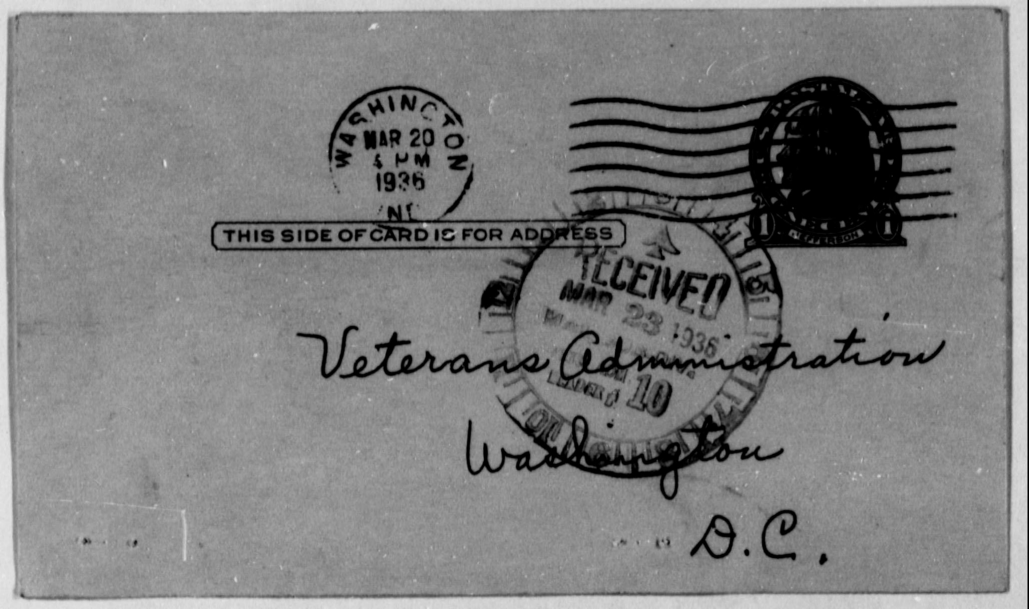[first seal/stamp] Washington Mar 20 4 P M 1936 IND.

[second seal/stamp] Received Mar 23 1936

THIS SIDE OF CARD IS FOR ADDRESS


Veterans Administration
Washington D.C.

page: 30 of 35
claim: survivor's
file: S. 32089, John Abbott, Continental N. C.